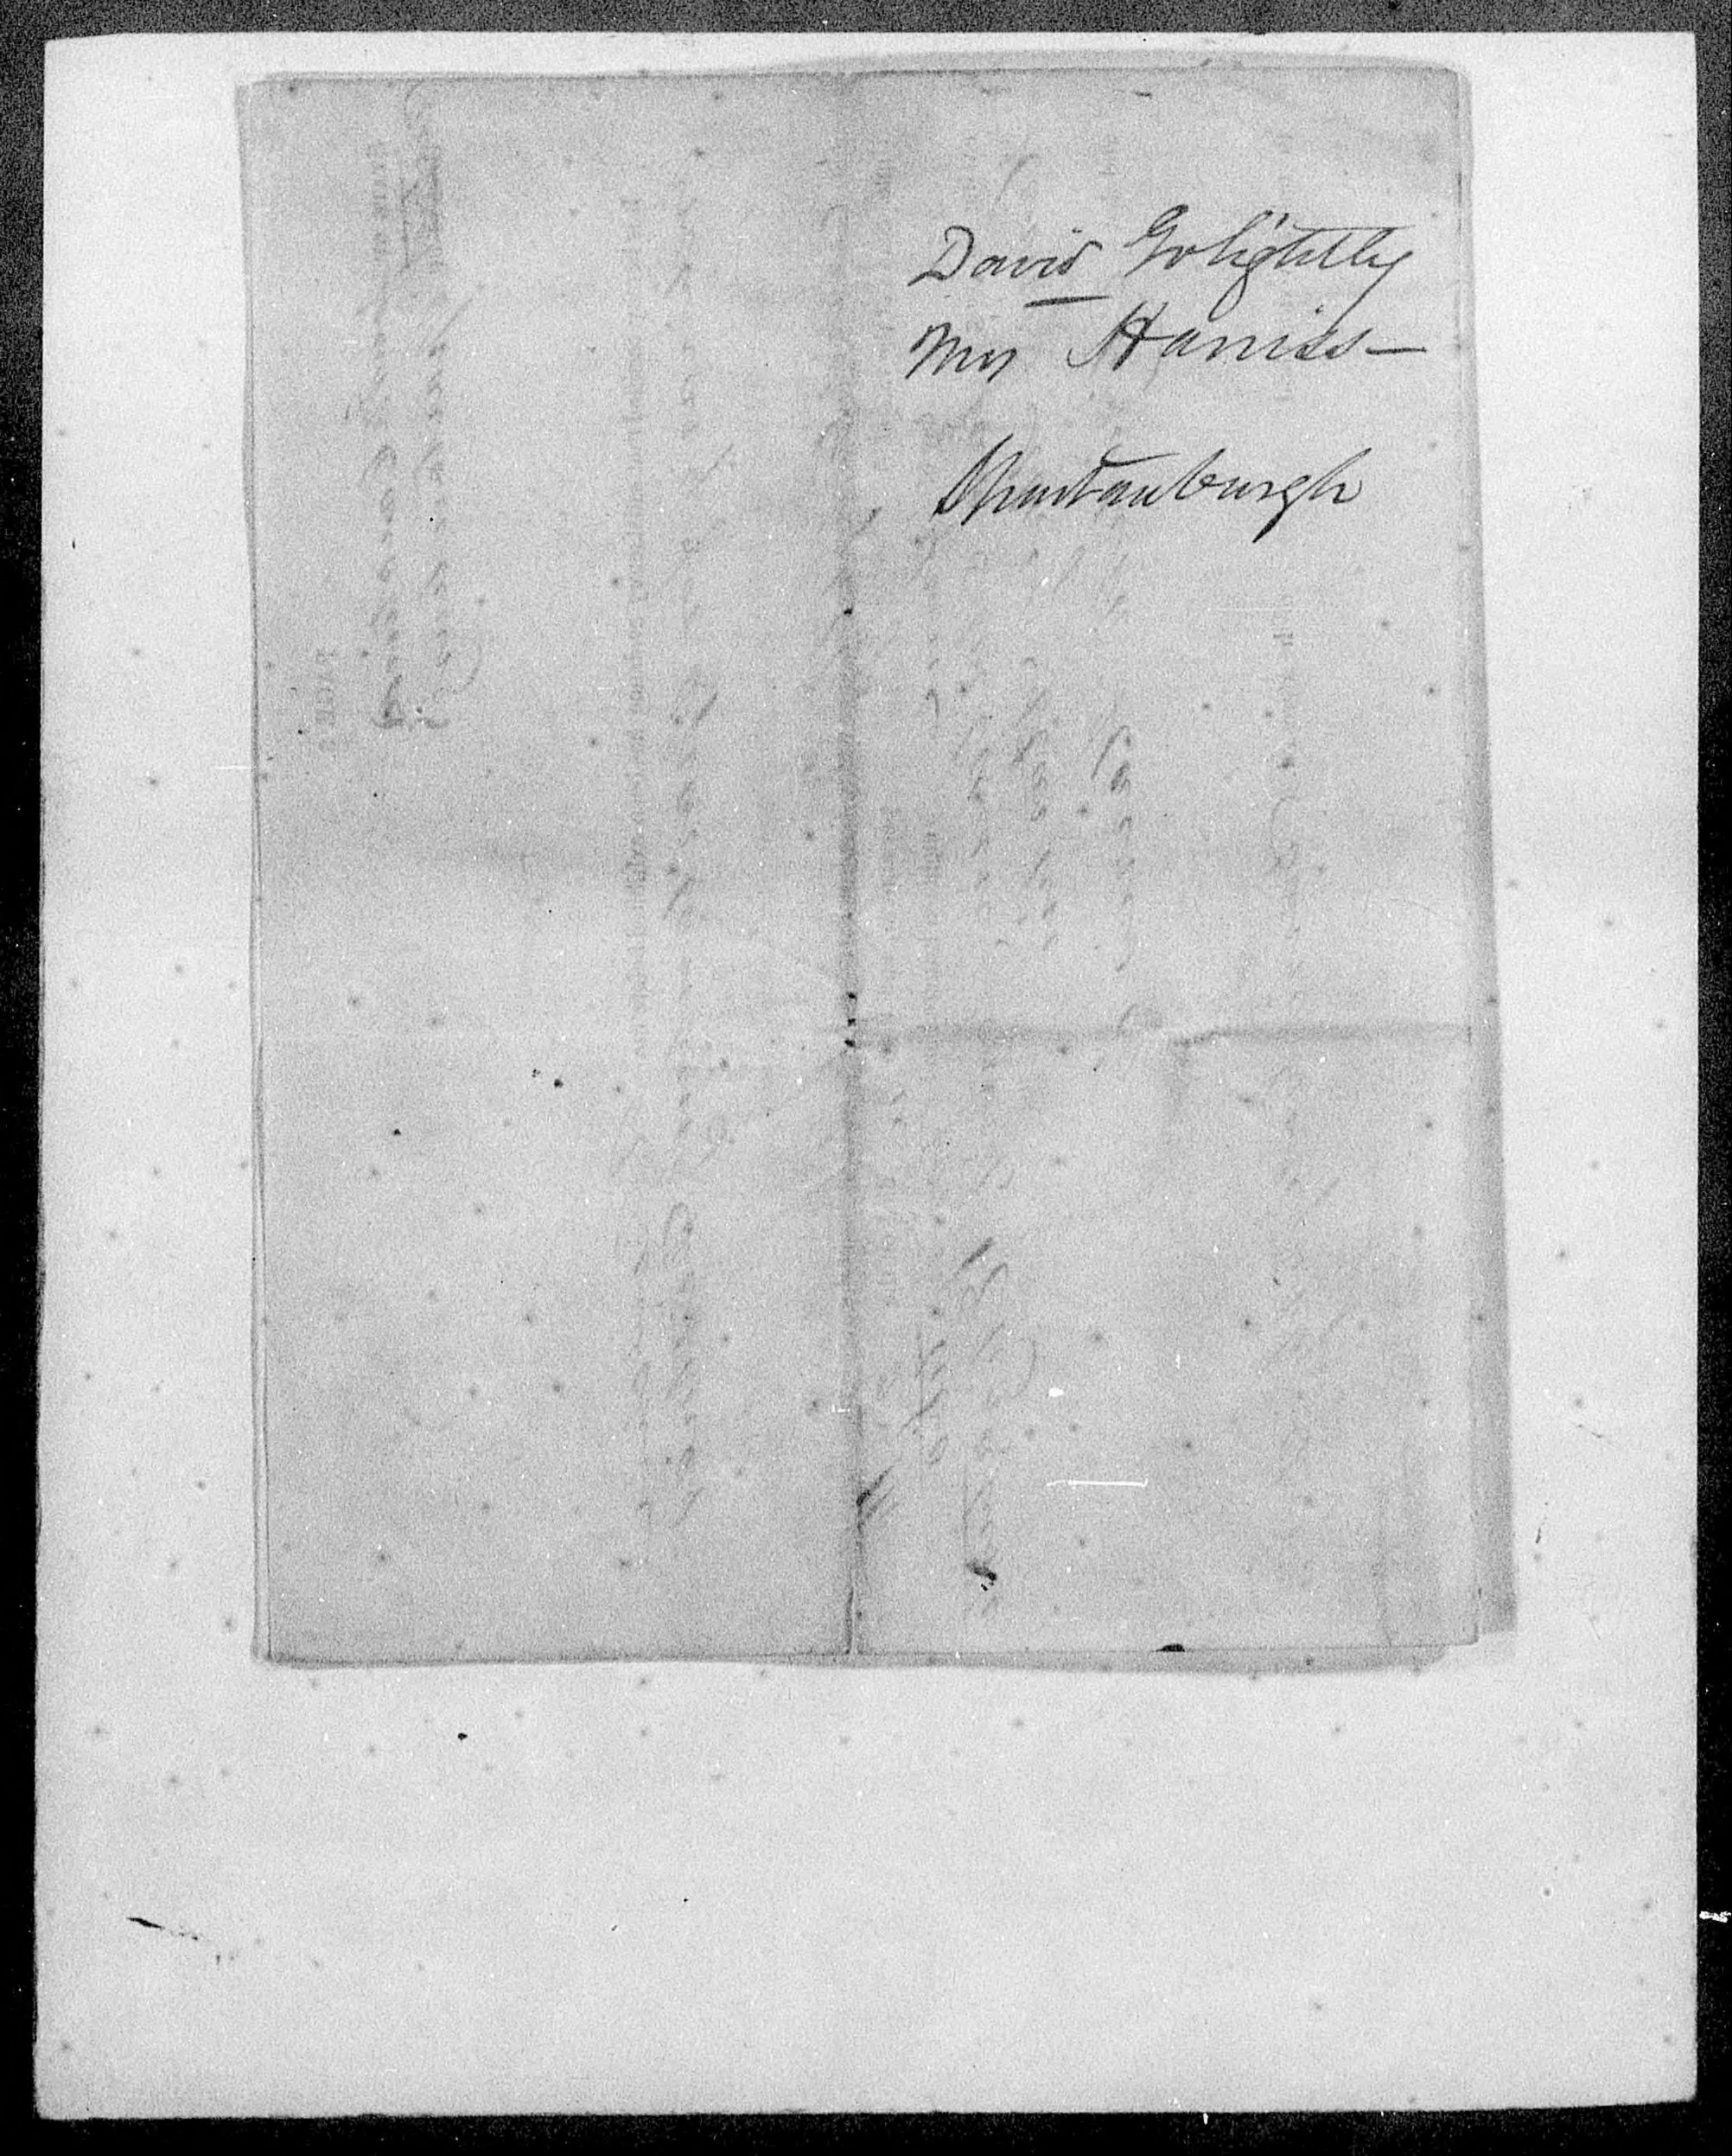David Golightly 

Wm Harriss 

Spartanburgh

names: David Golightly, Harriss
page: 8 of 57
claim: survivor's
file: S. 18888, David Golightly, S.C.